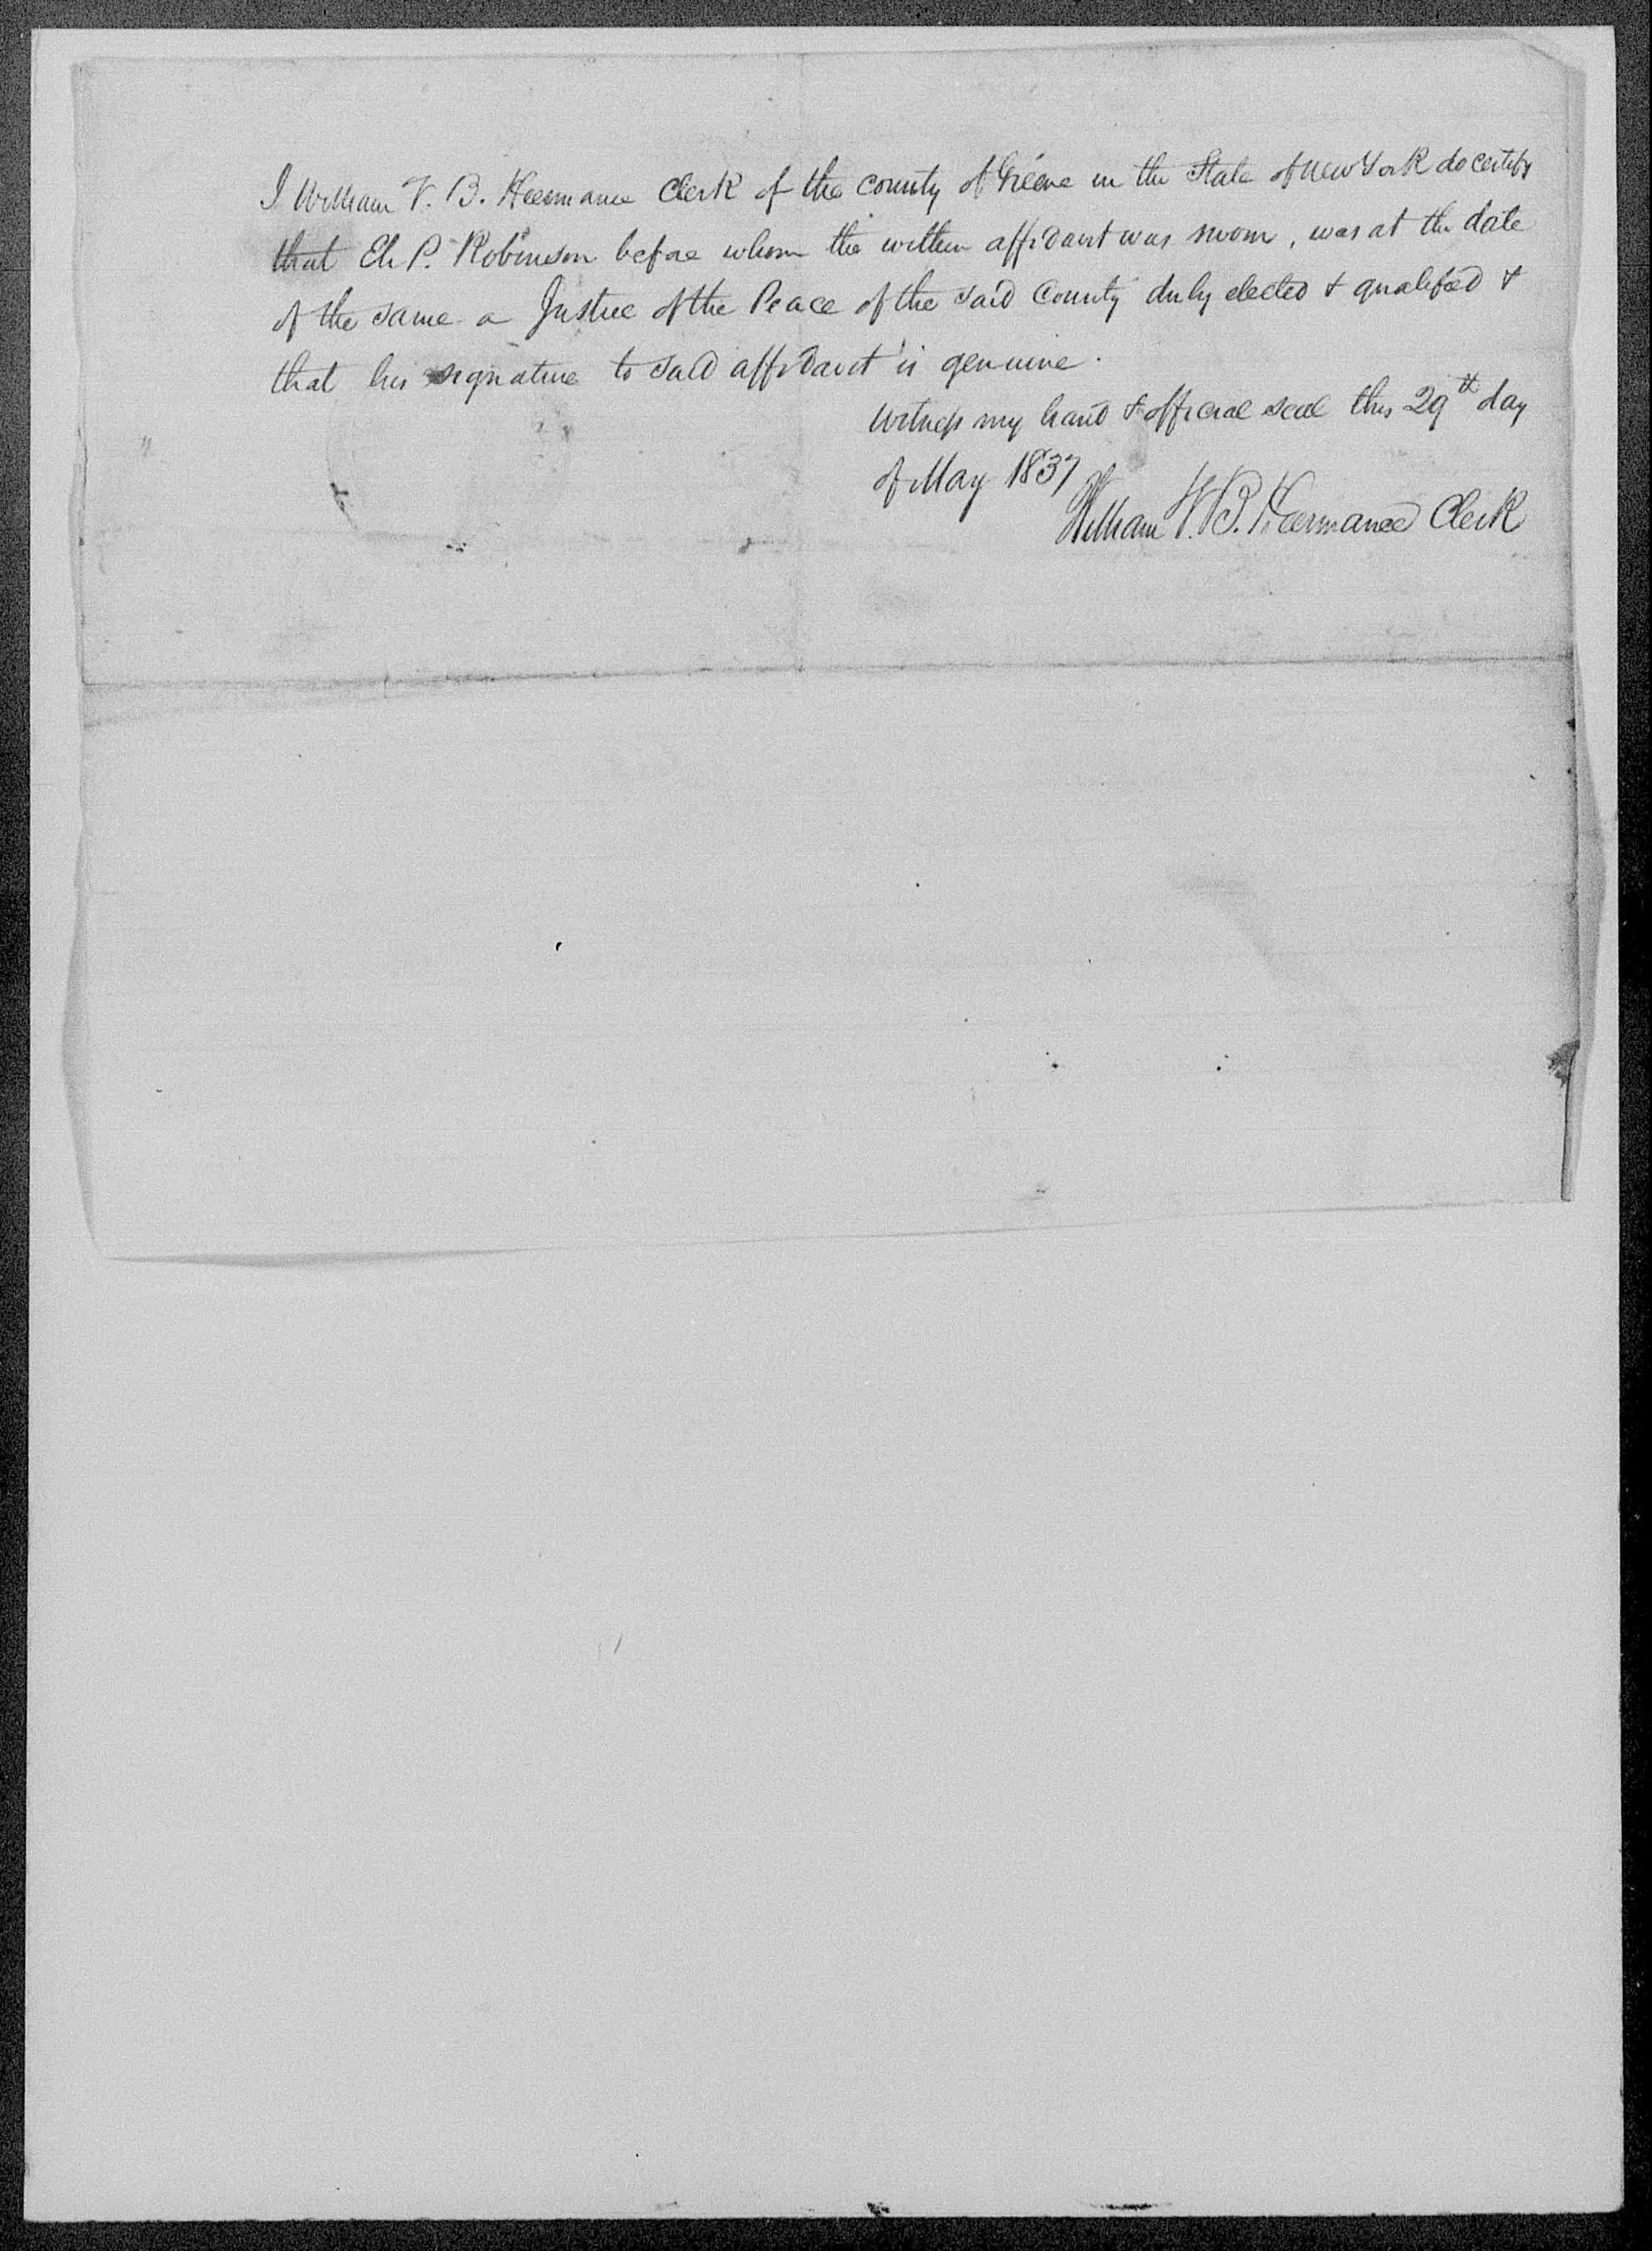I William V. B. Heermance Clerk of the County of Greene in the State of New York do certify that E. P. Robinson before whom the within affidavit was sworn, was at the date of the same a Justice of the Peace of the said County duly elected & qualified & that his signature to said affidavit is genuine.   
Witness my hand & official seal this 29th day of May 1837 
William V. B. Heermance Clerk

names: William W B Heermann, William W B Heermann, Eli P Robinson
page: 13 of 35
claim: rejected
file: R. 501, Phineas Barker, Conn. Privateer